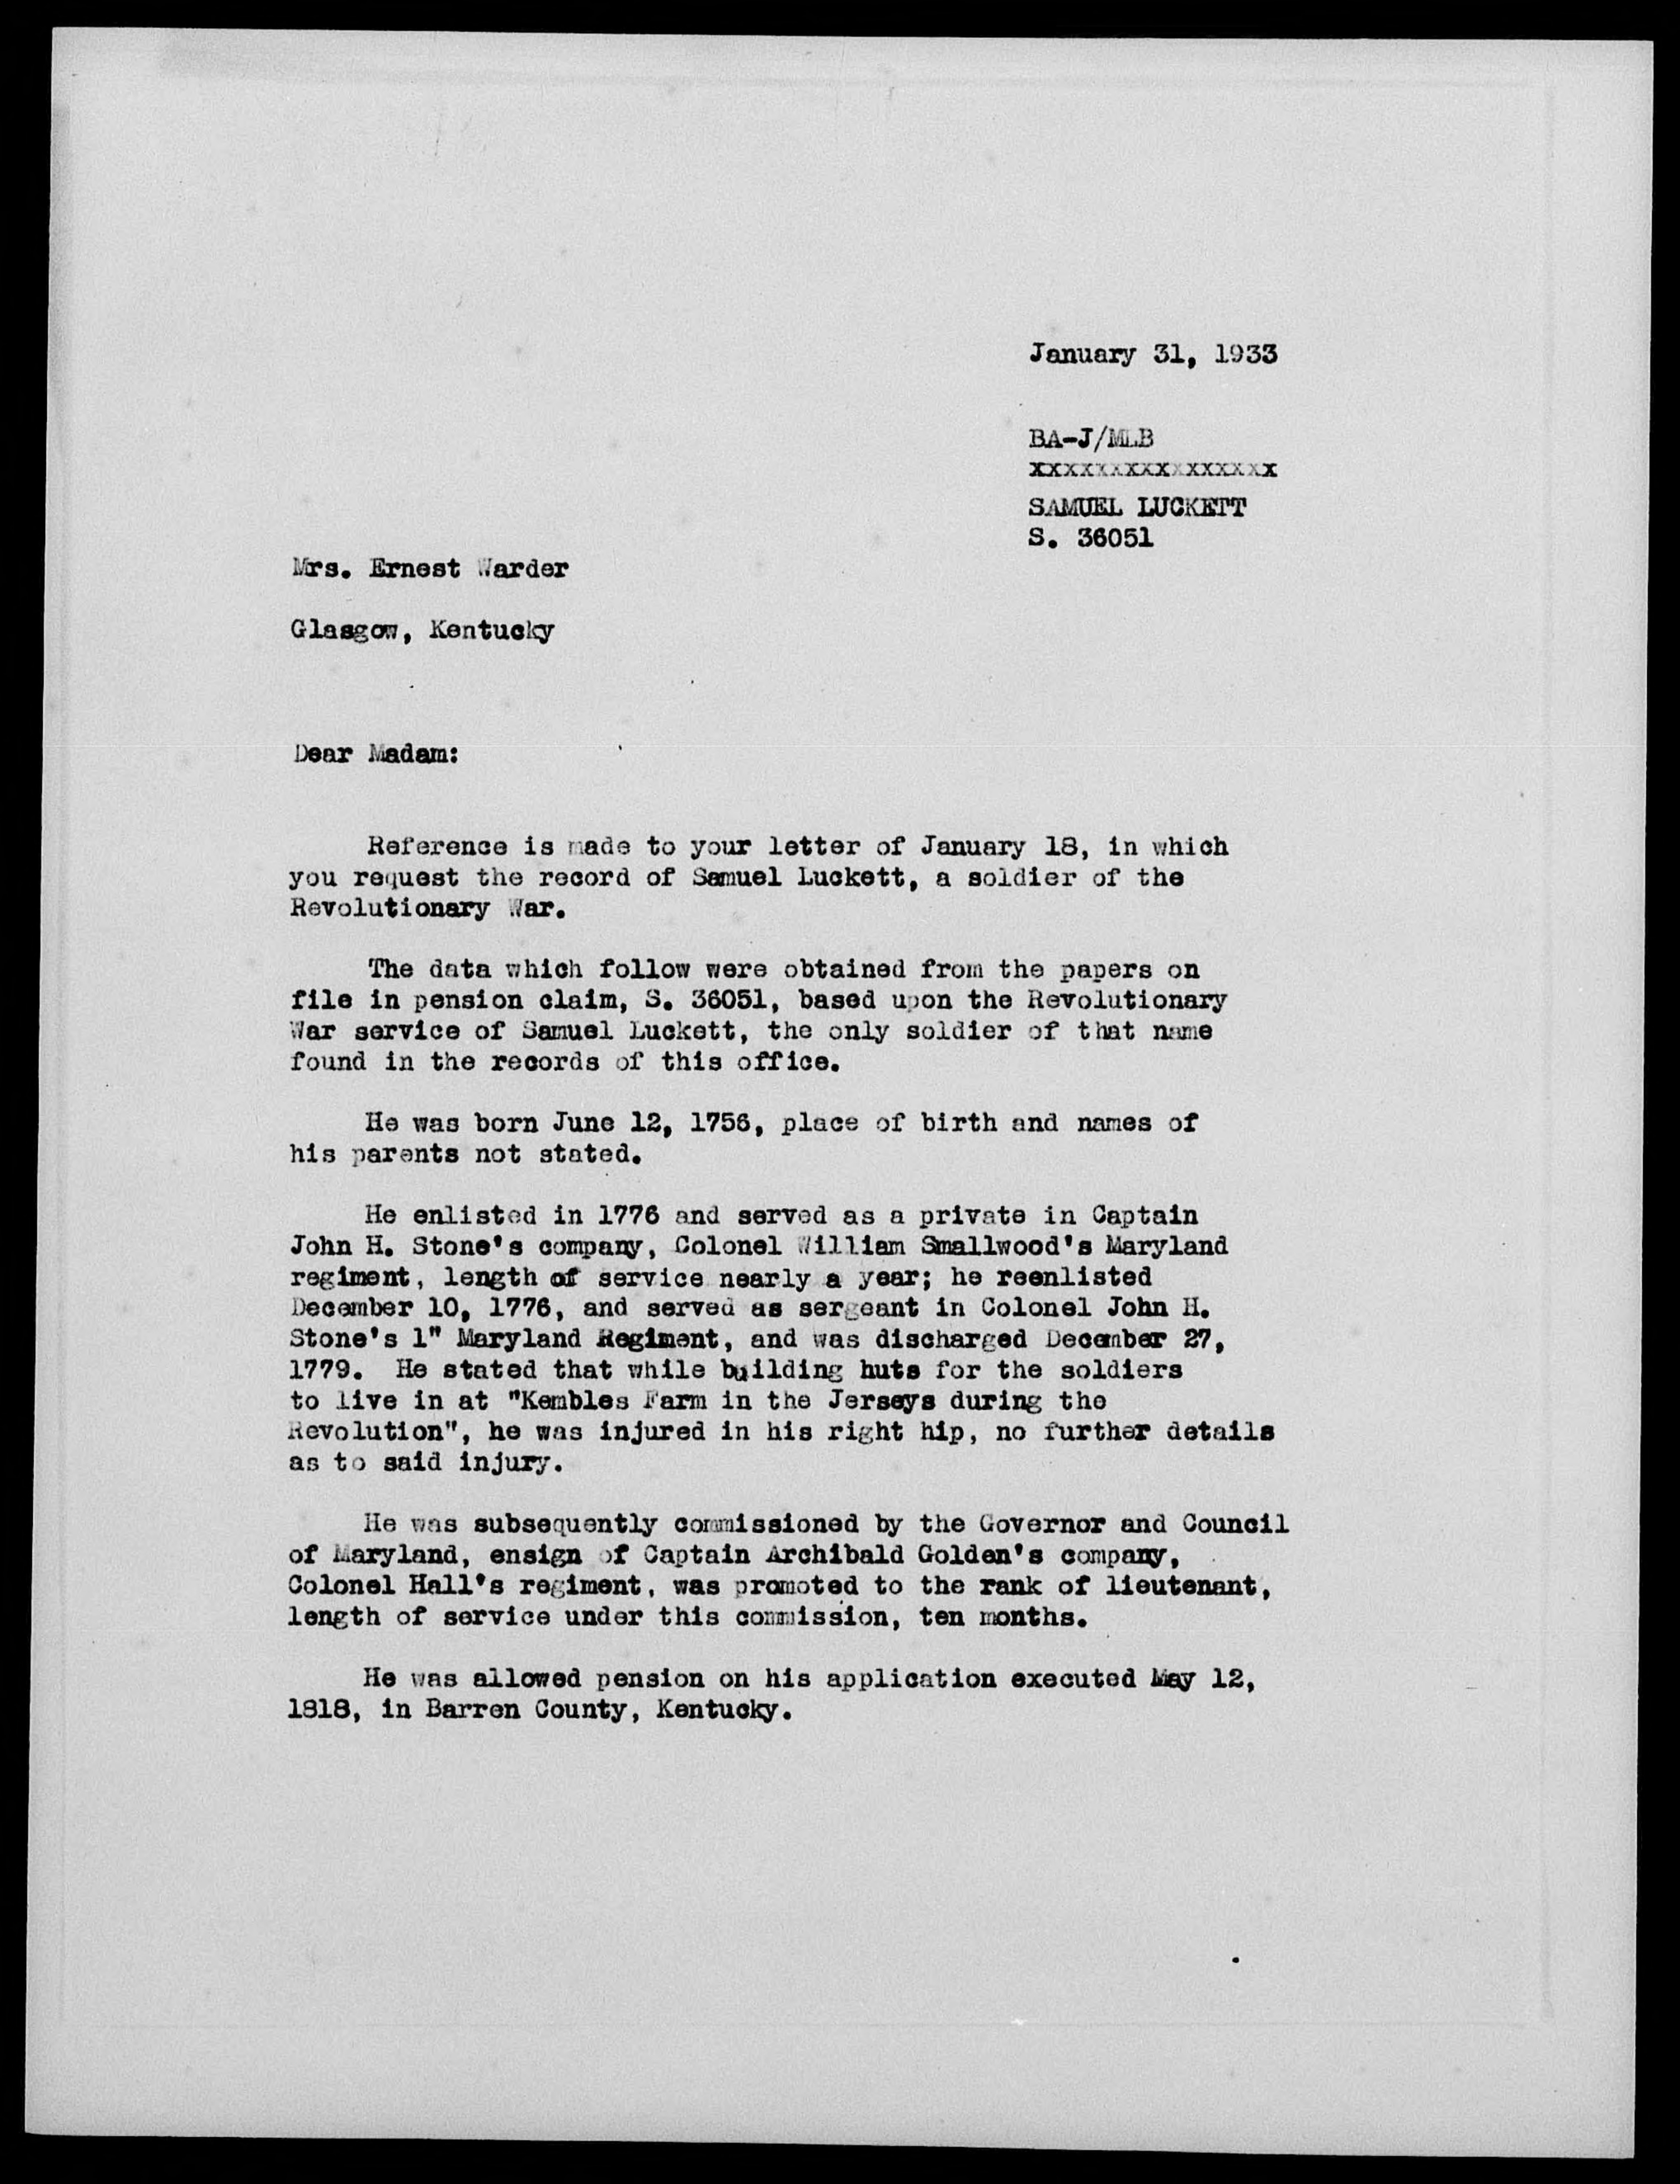BA-J/MLB
xxxxxxxxxxxxxxxx
SAMUEL LUCKETT
S. 36051
Mrs. Ernest Warder
Glasgow, Kentucky
Dear Madam:
Reference is made to your letter of January 18, in which you request the record of Samuel Luckett, a soldier of the Revolutionary War. 
The data which follow were obtained from the papers on file in pension claim, S. 36051, based upon the Revolutionary War service of Samuel Luckett, the only soldier of that name found in the records of this office.
He was born June 12, 1756, place of birth and names of his parents not stated.
He enlisted in 1776 and served as a private in Captain John H. Stone's company, Colonel William Smallwood's Maryland regiment, length of service nearly a year; he reenlisted December 10, 1776, and served as sergeant in Colonel John H. Stone's 1" Maryland Regiment, and was discharged December 27, 1779. He stated that while building huts for the soldiers to live in at "Kembles Farm in the Jerseys during the Revolution", he was injured in his right hip, no further details as to said injury.
He was subsequently commissioned by the Governor and Council of Maryland, ensign of Captain Archibald Golden's company, Colonel Hall's regiment, was promoted to the rank of lieutenant, length of service under this commission, ten months. 
He was allowed pension on his application executed May 12, 1818, in Barren County, Kentucky.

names: Samuel Luckett; Ernest Warder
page: 10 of 34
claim: survivor's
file: S. 36,051, for Samuel Luckett, Maryland